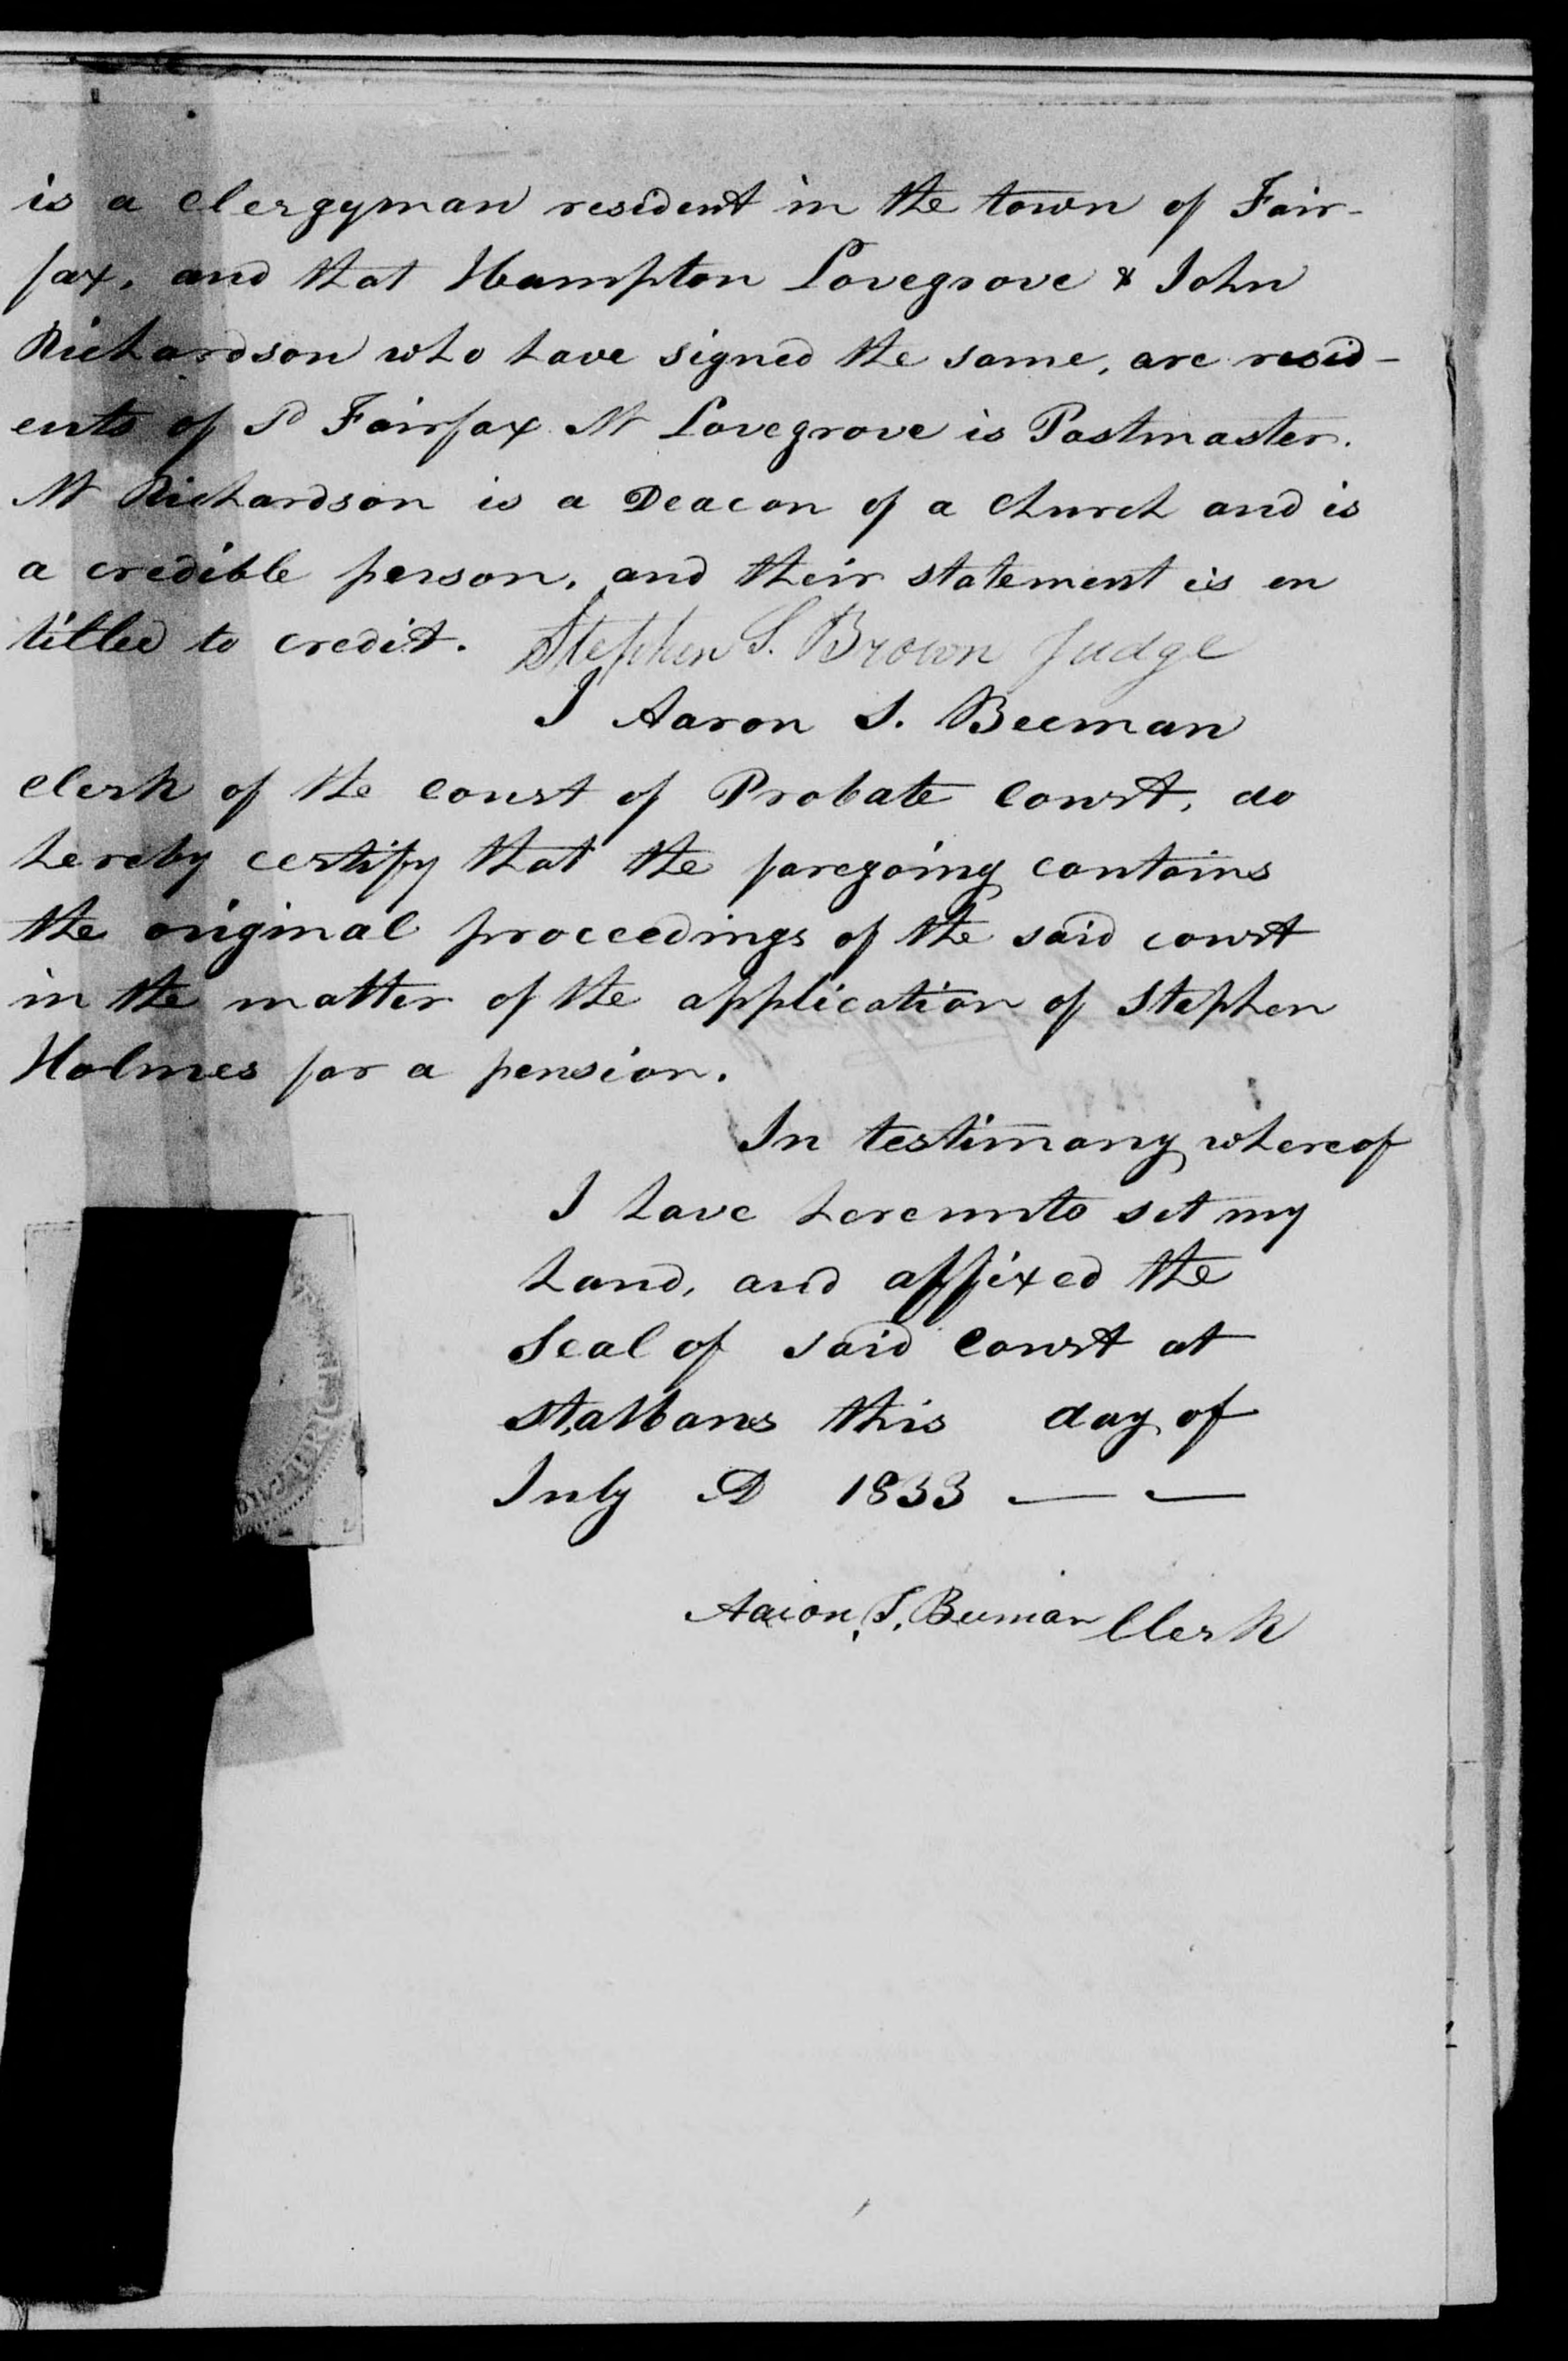is a clergyman and resident in the town of Fairfax, and that Hampton Lovegrove & John Richardson who have signed the same, are residents of sd Fairfax. Mr Lovegrove is Postmaster, Mr Richardson is a Deacon of a church and is a credible person, and their statement is entitled to credit. 

[signature of "Stephen S. Brown Judge"]
I Aaron S. Beeman clerk of the court of Probate Court, do hereby certify that the foregoing contains the original proceedings of the said court in the matter of the application of Stephen HOlmes for a pension.

In testimony whereof I have hereunto set my hand, and affixed the Seal of said court at St. Albans this [blank] day of July AD 1833

[signature of "Aaron S. Beeman Clerk]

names: Stephen Holmes, John Richardson, Lovegrove, Hampton Lovegrove, Aaron S Beeman, Aaron S Beeman, Stephen S Brown, Richardson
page: 12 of 72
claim: widow's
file: W. 7771, Stephen Holmes, Vt.